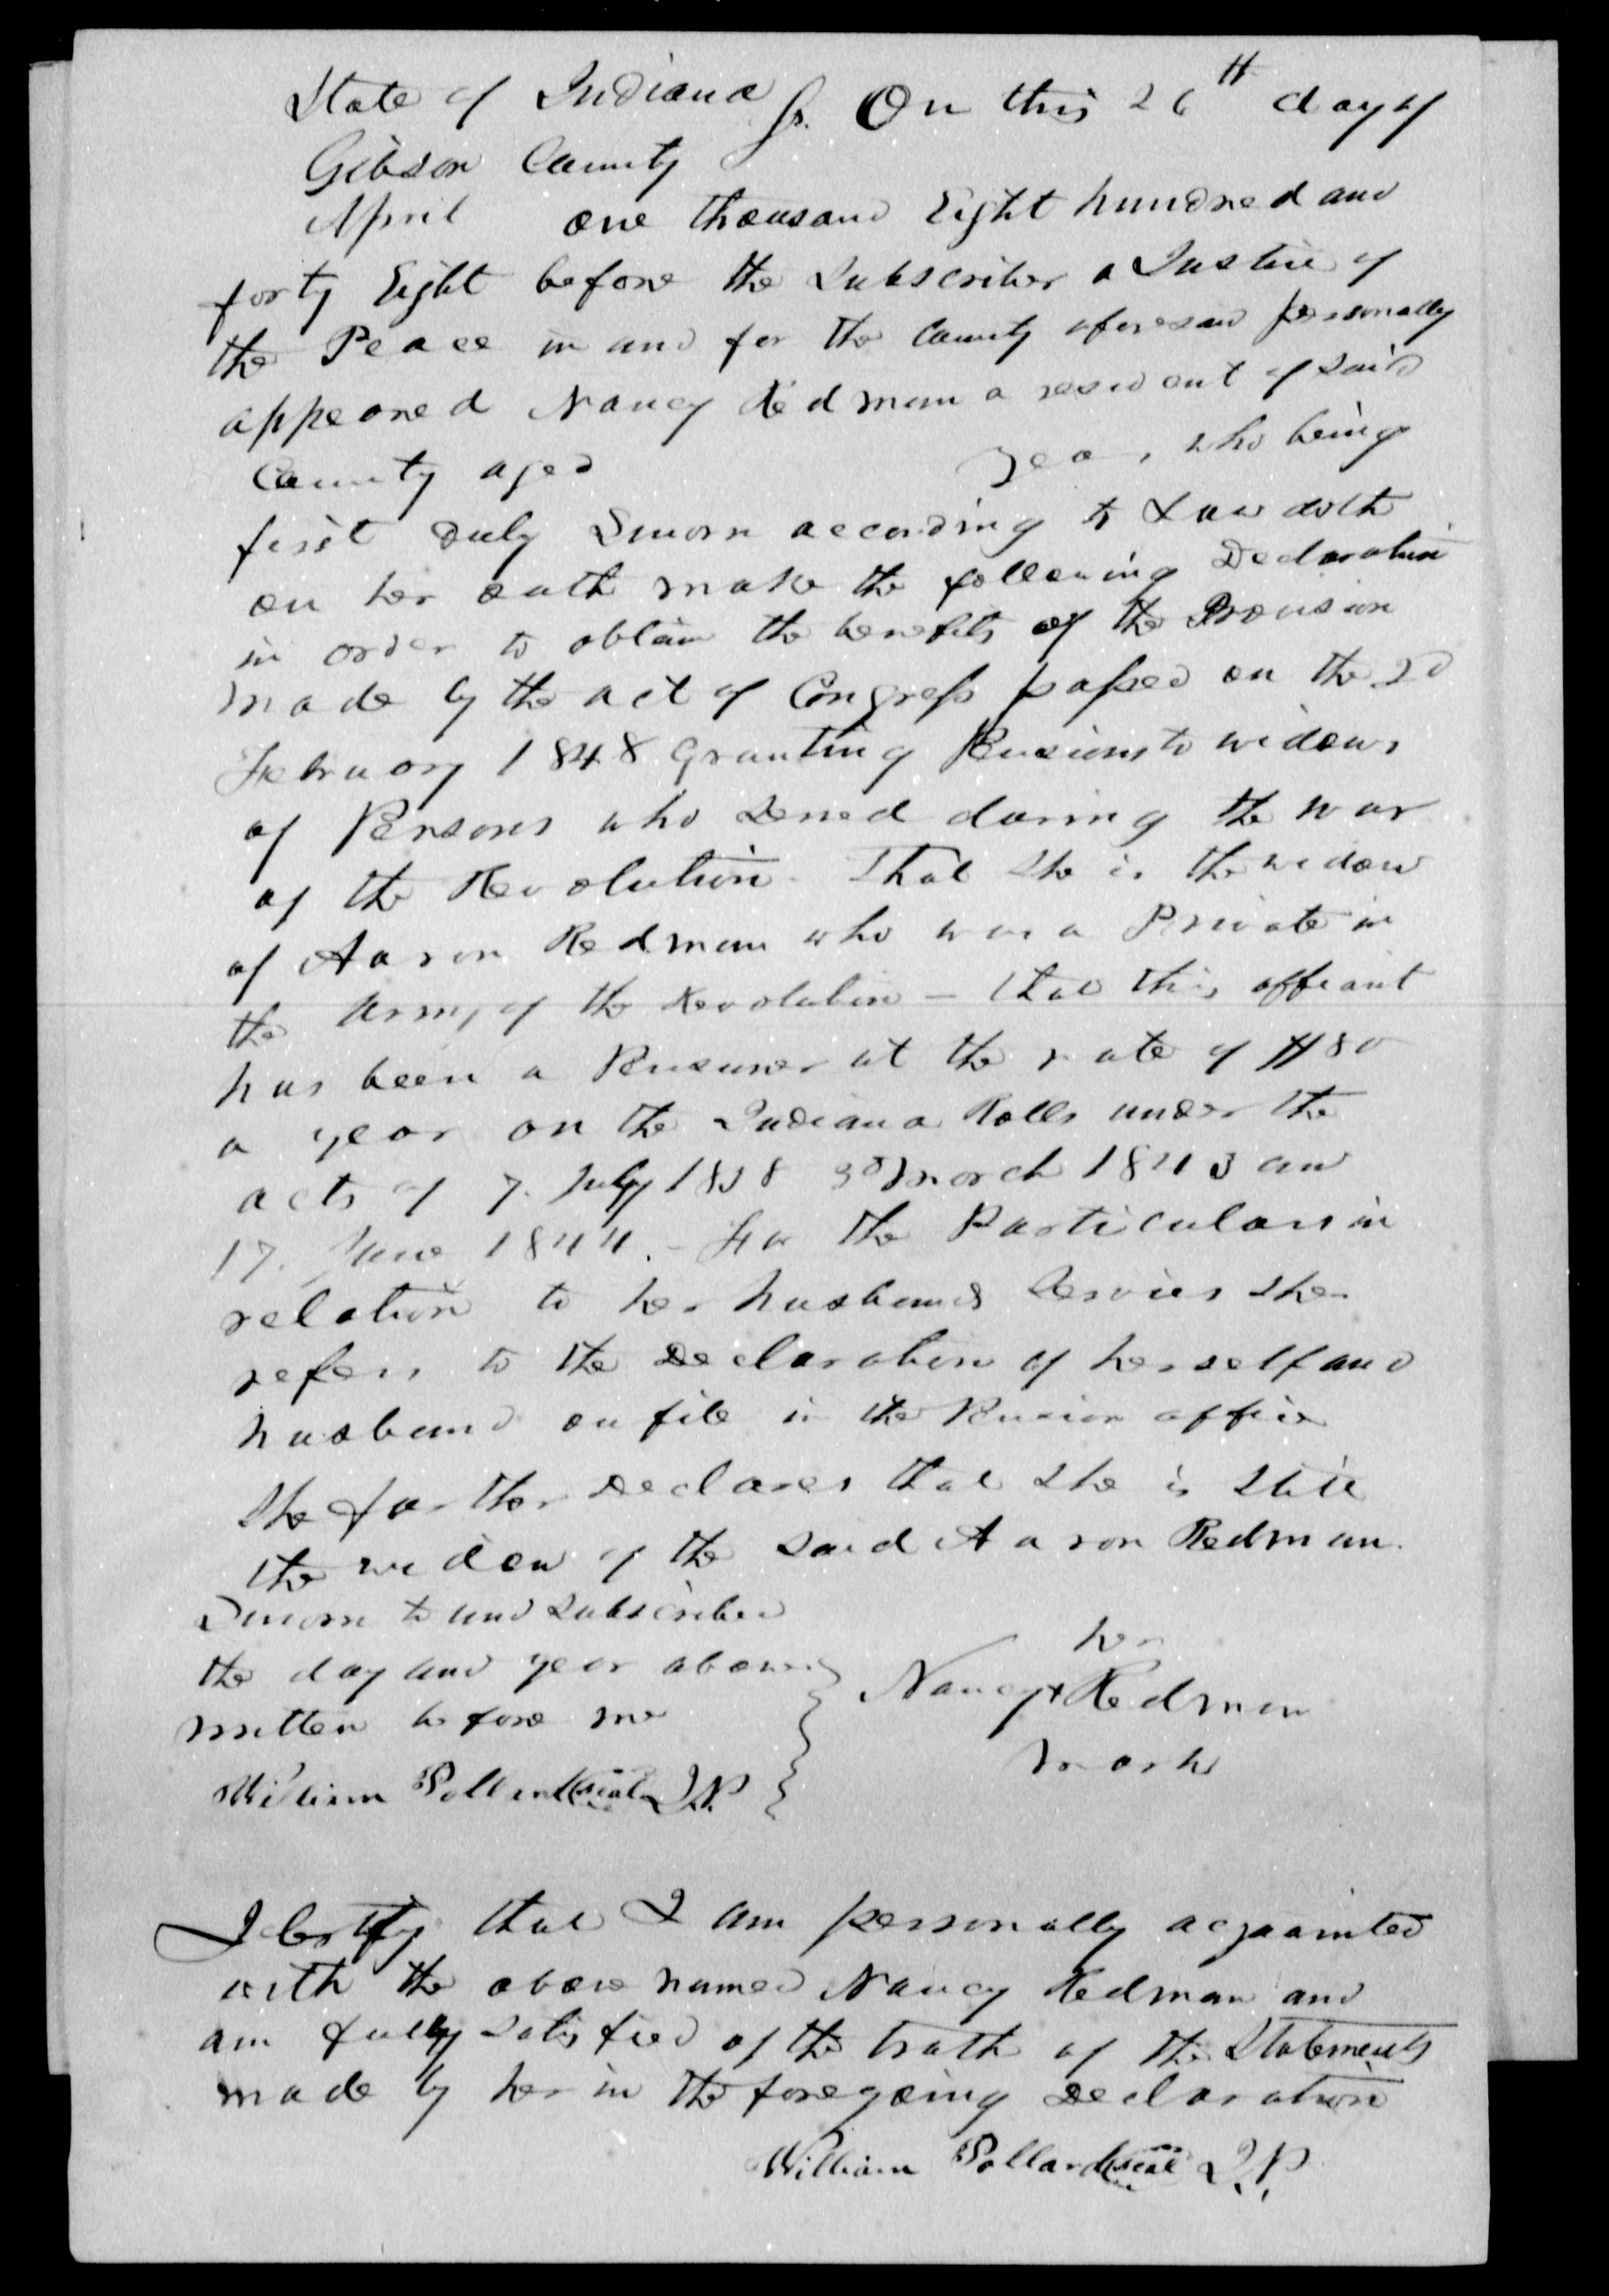State of Indiana
Gibson County Ss.
On this 26th day of April one thousand eight hundred and forty eight before the subscriber a Justice of the Peace in and for the County aforesaid personally appeared Nancy Redman a resident of said County aged    years, who being first duly sworn according to Law doth on her oath make the following Declaration in order to obtain the benefits of the Provision made by the act of Congress passed on the 2d February 1848 granting pensions to widows of Persons who served during the war of the Revolution.  That she is the widow of Aaron Redman who was a Private in the Army of the Revolution - that this affiant has been a Pensioner at the rate of $80 a year on the Indiana Rolls under the Acts of 7 July 1838  3d March 1843 and 17 June 1844 - For the particulars in relation to her husbands services she refers to the Declaration of herself and husband on file in the Pension office  She further declares that she is still the widow of the said Aaron Redman.
Nancy Redman  x her mark
Sworn to and subscribed the day and year above written before me
William Pollard  [handwritten seal]  J.P.

I certify that I am personally acquainted with the above named Nancy Redman and am fully satisfied of the truth of the statements made by her in the foregoing declaration.
William Pollard  [handwritten seal]  J.P.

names: Aaron Redman; Nancy Redman; Nancy Redmon; Nancy Redman; Aaron Redman; William Pollard; William Pollard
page: 43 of 57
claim: widow's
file: W. 9,622, for Aaron Redman, Virginia